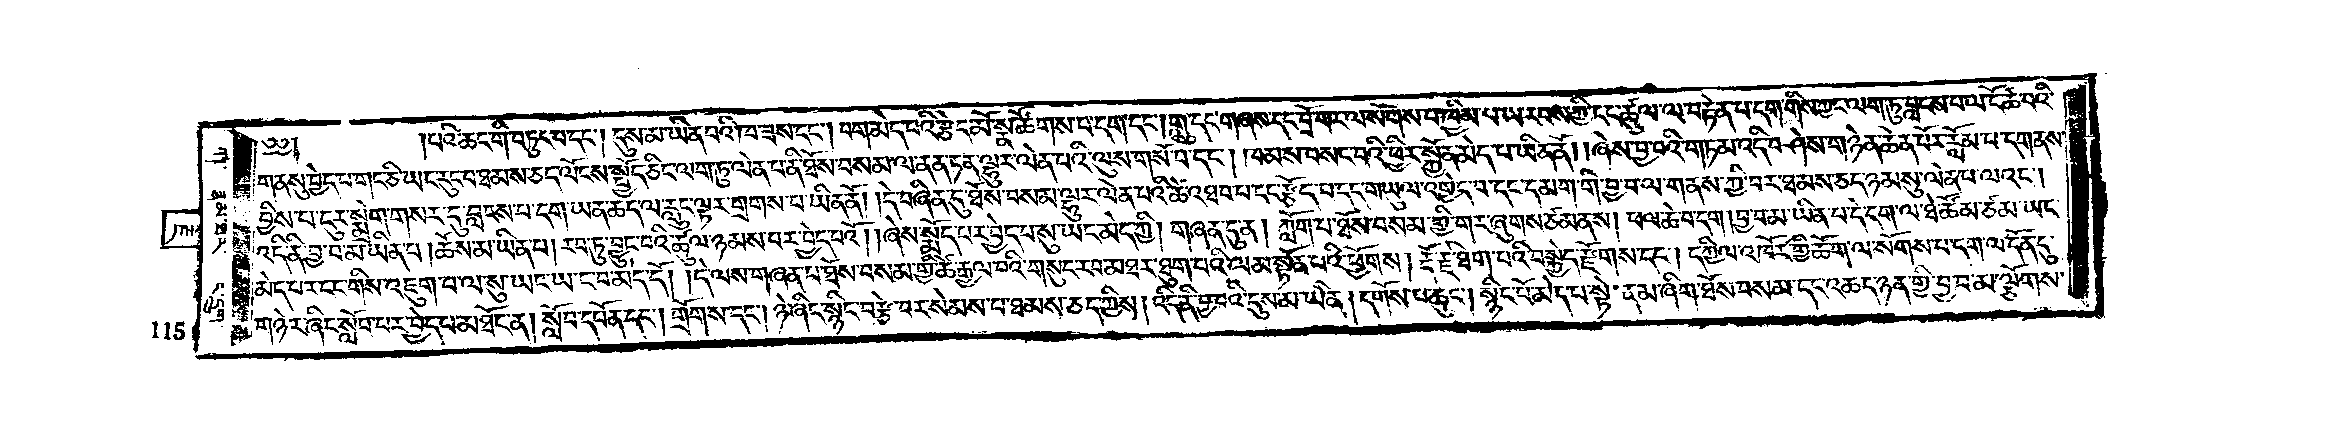༄༅། །པའི་ཆང་གི་བཏུང་བ་དང་། དུས་མ་ཡིན་པའི་ཁ་ཟས་དང་། བག་མེད་པའི་རྩེད་མོ་སྣ་ཚོགས་པ་དག་དང་། གླུ་དང་གཞས་དང་བྲོ་གར་ལ་སོགས་པ་ཁྱིམ་པ་ཡ་རབས་ཀྱི་ངང་ཚུལ་ལ་བརྟེན་པ་དག་གིས་ཀྱང་ལག་ཏུ་བླངས་པ་ལ་ངོ་ཚ་བའི་
གནས་སུ་བྱེད་པ་གང་ཅི་ཡང་རུང་བ་ཐམས་ཅད་ལོངས་སྤྱོད་ཅིང་ལག་ཏུ་ལེན་པ་ནི་ཐོས་བསམ་ལ་ནན་ཏན་ལྷུར་ལེན་པའི་ལུས་གསོ་བ་དང་། ཁམས་བསང་བའི་ཕྱིར་སྐྱོན་མེད་པ་ཡིན་ནོ། །ཞེས་བྱ་བའི་གཏམ་འདི་བཤེས་གཉེན་ཆེན་པོར་རློམ་པ་དག་ནས་
བྱིས་པ་ངུར་སྨྲེག་གསར་དུ་བླངས་པ་དག་ཡན་ཆད་ལ་རླུང་ལྟར་གྲགས་པ་ཡིན་ནོ། །དེ་བཞིན་དུ་ཐོས་བསམ་ལྷུར་ལེན་པའི་ཚེ་འཐབ་པ་དང་རྩོད་པ་དང་གཡུལ་འགྱེད་བ་དང་དམག་གི་བྱ་བ་ལ་གནས་ཀྱི་བར་ཐམས་ཅད་ཉམས་སུ་ལེན་པ་ལའང་།
འདི་ནི་བྱ་བ་མ་ཡིན་པ། ཆོས་མ་ཡིན་པ། རབ་ཏུ་བྱུང་བའི་ཚུལ་ཉམས་པར་བྱེད་པའོ། །ཞེས་སྨོད་པར་བྱེད་པ་སུ་ཡང་མེད་ཀྱི། གཞན་དུ་ན། ཀློག་པ་ཐོས་བསམ་གྱི་གར་ཞུགས་ཙམ་ནས། ཕལ་ཆེ་བ་དག །བྱ་བ་མ་ཡིན་པ་དེ་དག་ལ་ཐེ་ཚོམ་ཙམ་ཡང་
མེད་པར་ངང་གིས་འཇུག་པ་ལ་སུ་ཡང་ཡ་ང་བ་མེད་དོ། །དེ་ལས་གཞན་པ་ཐོས་བསམ་གྱི་ཚེ་རྒྱལ་བའི་གསུང་རབ་མཐར་ཐུག་པའི་ལམ་སྟོན་པའི་ཕྱོགས། རྡོ་རྗེ་ཐེག་པའི་བསྐྱེད་རྫོགས་དང་། དཀྱིལ་འཁོར་གྱི་ཆོ་ག་ལ་སོགས་པ་དག་ལ་དོན་དུ་
གཉེར་ཞིང་སློབ་པར་བྱེད་པ་མཐོང་ན། སློབ་དཔོན་དང་། གྲོགས་དང་། ཉེ་ཞིང་སྙིང་བརྩེ་བར་སེམས་པ་ཐམས་ཅད་ཀྱིས། འདི་ནི་བྱ་བའི་དུས་མ་ཡིན། དགོས་པ་ཆུང་། སྙིང་པོ་མེད་པ་སྟེ་ནམ་ཞིག་ཐོས་བསམ་དང་འཆད་ཉན་གྱི་བྱ་བ་མ་ལྕོགས་